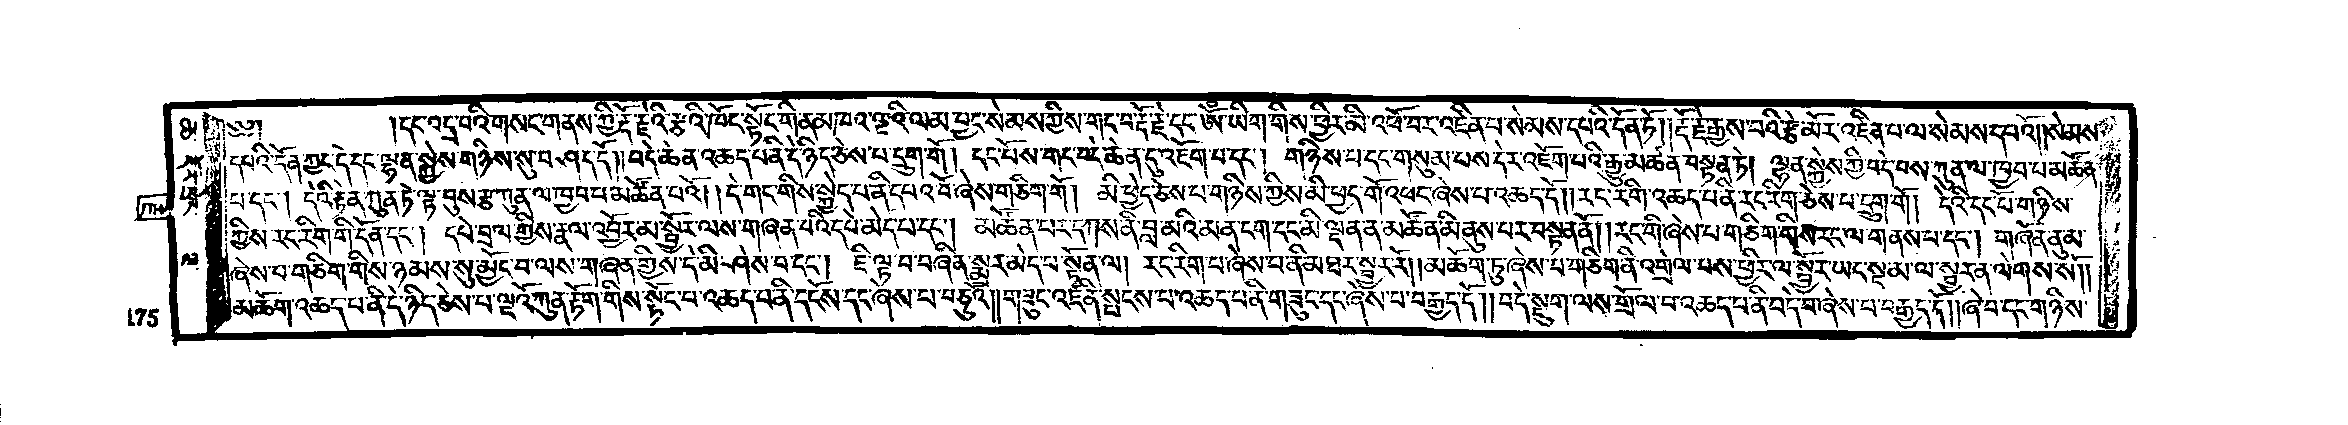༄༅། །དང་འདྲ་བའི་གསང་གནས་ཀྱི་རྡོ་རྗེའི་རྩའི་ཁོང་སྟོང་གི་ནམ་མཁའ་ལྔའི་ལམ་བྱང་སེམས་ཀྱིས་གང་བ་རྡོ་རྗེ་དང་ཨོཾ་ཡིག་གིས་ཕྱིར་མི་འཕོ་བར་འཛིན་པ་སེམས་དཔའི་དོན་ཏོ། །རྡོ་རྗེ་རྒྱས་བའི་རྩེ་མོར་འཛིན་པ་ལ་སེམས་དཔའོ། །སེམས་
དཔའི་དོན་ཀྱང་དེ་དང་ལྷན་སྐྱེས་གཉིས་སུ་བཤད་དོ། །བདེ་ཆེན་འཆད་པ་ནི་དེ་ཉིད་ཅེས་པ་དྲུག་གོ །དང་པོས་གང་བདེ་ཆེན་དུ་འཇོག་པ་དང་། གཉིས་པ་དང་གསུམ་པས་དེར་འཇོག་པའི་རྒྱུ་མཚན་བསྟན་ཏེ། ལྷན་སྐྱེས་ཀྱི་བདེ་བས་ཀུན་ལ་ཁྱབ་པ་མཚོན་
པ་དང་། དེའི་རྟེན་ཀུན་ཏ་ལྟ་བུས་རྩ་ཀུན་ལ་ཁྱབ་པ་མཚོན་པའོ། །དེ་གང་གིས་སྐྱེད་པ་ནི་དཔའ་བོ་ཞེས་གཅིག་གོ །མི་ཕྱེད་ཅེས་པ་གཉིས་ཀྱིས་མི་ཕྱེད་གོ་འཕང་ཞེས་པ་འཆད་དོ། །རང་རིག་འཆད་པ་ནི་རང་རིག་ཅེས་པ་དྲུག་གོ །དེའི་དང་པོ་གཉིས་
ཀྱིས་རང་རིག་གི་དོན་དང་། དཔེ་བྲལ་གྱིས་རྣལ་འབྱོར་མ་སྦྱོར་ལས་གཞན་པའི་དཔེ་མེད་པ་དང་། མཚོན་པར་དཀས་ནི་བླ་མའི་མན་ངག་དང་མི་ལྡན་ན་མཚོན་མི་ནུས་པར་བསྟན་ནོ། །རང་གི་ཞེས་པ་གཅིག་གིས་རང་ལ་གནས་པ་དང་། གཞོན་ནུ་མ་
ཞེས་པ་གཅིག་གིས་ཉམས་སུ་མྱོང་བ་ལས་གཞན་གྱིས་དེ་མི་ཤེས་བ་དང་། ཇི་ལྟ་བ་བཞིན་སྨྲར་མེད་པ་སྟོན་ལ། རང་རིག་པ་ཞེས་པ་ནི་མཐར་སྦྱར་རོ། །མཆོག་ཏུ་ཞེས་པ་གཅིག་ནི་འགྲེལ་པས་ཕྱིར་ལ་སྦྱོར་ཡང་སྔ་མ་ལ་སྦྱར་ན་ལེགས་སོ། །
མཆོག་འཆད་པ་ནི་དེ་ཉིད་ཅེས་པ་ལྔའོ་ཀུན་རྟོག་གིས་སྟོང་པ་འཆད་བ་ནི་དངོས་དང་ཞེས་པ་བཅུའོ། །གཟུང་འཛིན་སྤངས་པ་འཆད་པ་ནི་གཟུང་དང་ཞེས་པ་བརྒྱད་དོ། །བདེ་སྡུག་ལས་གྲོལ་བ་འཆད་པ་ནི་བདེ་བ་ཞེས་པ་བརྒྱད་དོ། །ཞི་བ་དང་གཉིས་